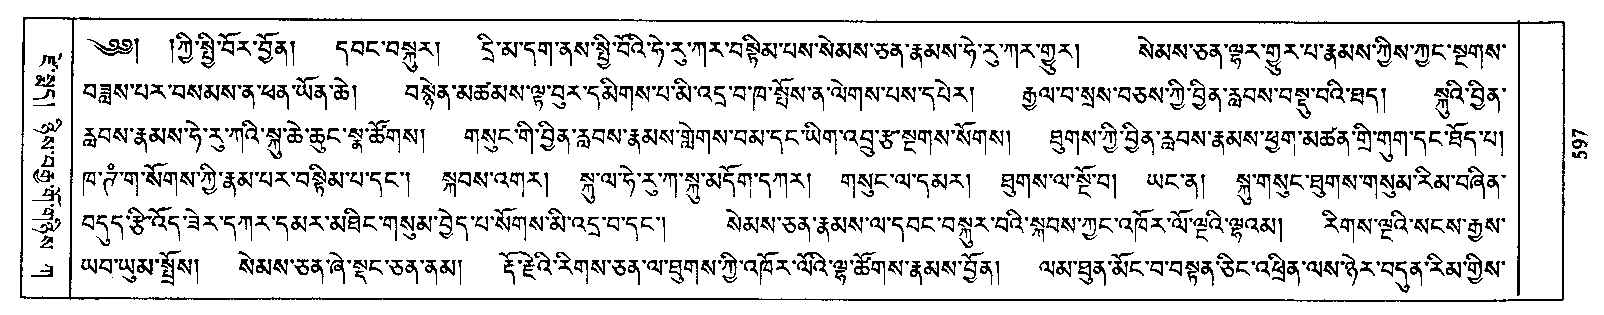༄༅། །ཀྱི་སྤྱི་བོར་བྱོན། དབང་བསྐུར། དྲི་མ་དག་ནས་སྤྱི་བོའི་ཧེ་རུ་ཀར་བསྟིམ་པས་སེམས་ཅན་རྣམས་ཧེ་རུ་ཀར་གྱུར། སེམས་ཅན་ལྟར་གྱུར་པ་རྣམས་ཀྱིས་ཀྱང་སྔགས་
བཟླས་པར་བསམས་ན་ཕན་ཡོན་ཆེ། བསྙེན་མཚམས་ལྟ་བུར་དམིགས་པ་མི་འདྲ་བ་ཁ་སྤོས་ན་ལེགས་པས་དཔེར། རྒྱལ་བ་སྲས་བཅས་ཀྱི་བྱིན་རླབས་བསྡུ་བའི་ཐད། སྐུའི་བྱིན་
རླབས་རྣམས་ཧེ་རུ་ཀའི་སྐུ་ཆེ་ཆུང་སྣ་ཚོགས། གསུང་གི་བྱིན་རླབས་རྣམས་གླེགས་བམ་དང་ཡིག་འབྲུ་རྩ་སྔགས་སོགས། ཐུགས་ཀྱི་བྱིན་རླབས་རྣམས་ཕྱག་མཚན་གྲི་གུག་དང་ཐོད་པ།
ཁ་ཊཾ་ག་སོགས་ཀྱི་རྣམ་པར་བསྟིམ་པ་དང་། སྐབས་འགར། སྐུ་ལ་ཧེ་རུ་ཀ་སྐུ་མདོག་དཀར། གསུང་ལ་དམར། ཐུགས་ལ་སྔོ་བ། ཡང་ན། སྐུ་གསུང་ཐུགས་གསུམ་རིམ་བཞིན་
བདུད་རྩི་འོད་ཟེར་དཀར་དམར་མཐིང་གསུམ་བྱེད་པ་སོགས་མི་འདྲ་བ་དང་། སེམས་ཅན་རྣམས་ལ་དབང་བསྐུར་བའི་སྐབས་ཀྱང་འཁོར་ལོ་ལྔའི་ལྷའམ། རིགས་ལྔའི་སངས་རྒྱས་
ཡབ་ཡུམ་སྤྲོས། སེམས་ཅན་ཞེ་སྡང་ཅན་ནམ། རྡོ་རྗེའི་རིགས་ཅན་ལ་ཐུགས་ཀྱི་འཁོར་ལོའི་ལྷ་ཚོགས་རྣམས་བྱོན། ལམ་ཐུན་མོང་བ་བསྟན་ཅིང་འཕྲིན་ལས་ཉེར་བདུན་རིམ་གྱིས་